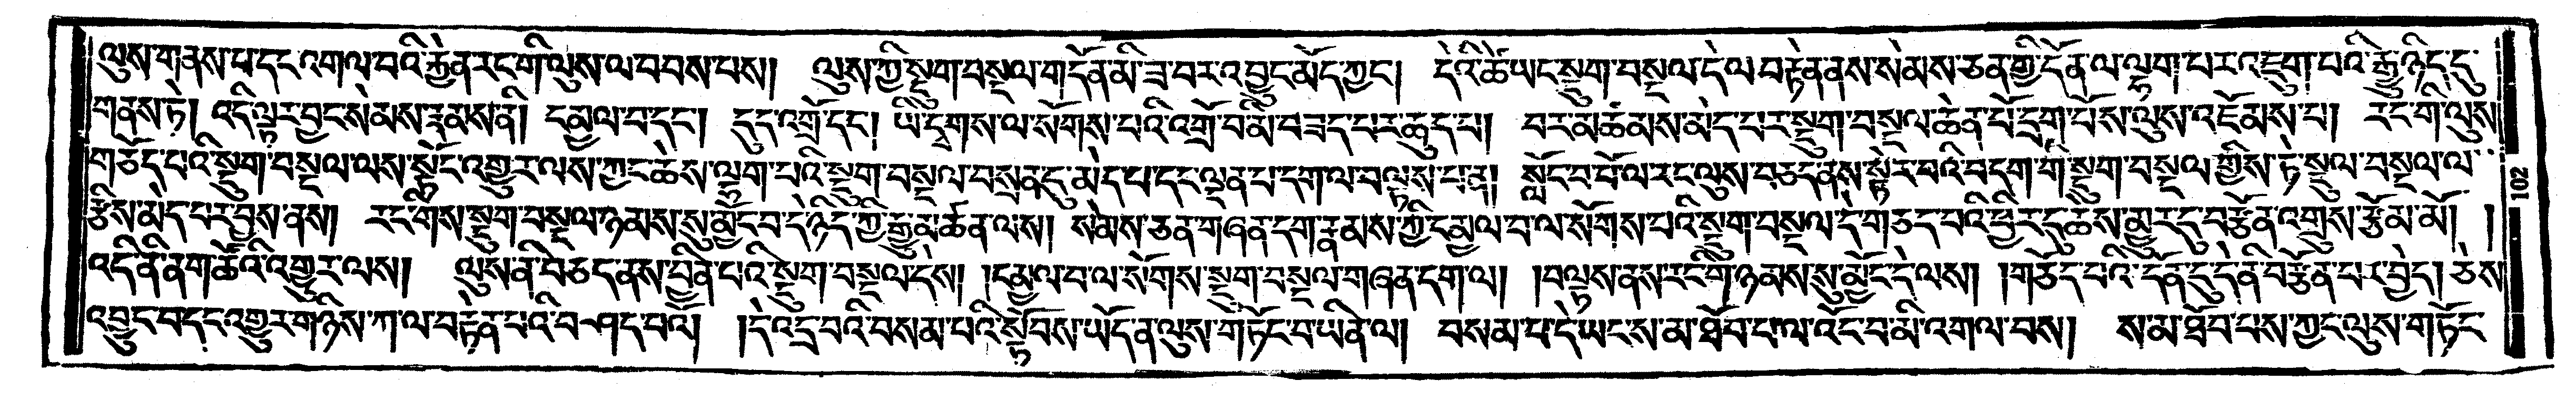ལུས་གནས་པ་དང་འགལ་བའི་རྐྱེན་རང་གི་ལུས་ལ་བབས་པས། ལུས་ཀྱི་སྡུག་བསྔལ་གདོན་མི་ཟ་བར་འབྱུང་མོད་ཀྱང་། དེའི་ཚེ་ཡང་སྡུག་བསྔལ་དེ་ལ་བརྟེན་ནས་སེམས་ཅན་གྱི་དོན་ལ་ལྷག་པར་འཇུག་པའི་རྒྱུ་ཉིད་དུ་
གནས་ཏེ། འདི་ལྟར་བྱང་སེམས་རྣམས་ནི། དམྱལ་བ་དང་། དུད་འགྲོ་དང་། ཡི་དྭགས་ལ་སོགས་པའི་འགྲོ་བ་མི་བཟད་པར་ཆུད་པ། བར་མཚམས་མེད་པར་སྡུག་བསྔལ་ཆེན་པོ་དྲག་པོས་ལུས་འཇོམས་པ། རང་གི་ལུས་
གཅོད་པའི་སྡུག་བསྔལ་ལས་སྟོང་འགྱུར་ལས་ཀྱང་ཆེས་ལྷག་པའི་སྡུག་བསྔལ་བསྲན་དུ་མེད་པ་དང་ལྡན་པ་དག་ལ་བལྟས་པ་ན། སློང་བ་པོ་ལ་རང་ལུས་བཅད་ནས་སྟེར་བའི་བདག་གི་སྡུག་བསྔལ་གྱིས་ཏེ་སྡུག་བསྔལ་ལ་
རྩིས་མེད་པར་བྱས་ནས། རང་གིས་སྡུག་བསྔལ་ཉམས་སུ་མྱོང་བ་དེ་ཉིད་ཀྱི་རྒྱུ་མཚན་ལས། སེམས་ཅན་གཞན་དག་རྣམས་ཀྱི་དམྱལ་བ་ལ་སོགས་པའི་སྡུག་བསྔལ་དེ་གཅད་པའི་ཕྱིར་དུ་ཆོས་མྱུར་དུ་བརྩོན་འགྲུས་རྩོམ་མོ།།
འདི་ནི་ནག་ཚོའི་འགྱུར་ལས། ལུས་ནི་བཅད་ནས་བྱིན་པའི་སྡུག་བསྔལ་དེས། །དམྱལ་བ་ལ་སོགས་སྡུག་བསྔལ་གཞན་དག་ལ། །བལྟས་ནས་རང་གི་ཉམས་སུ་མྱོང་དེ་ལས། །གཅོད་པའི་དོན་དུ་དེ་ནི་བརྩོན་པར་བྱེད། །ཅེས་
འབྱུང་བ་དང་འགྱུར་གཉིས་ཀ་ལ་བརྟེན་པའི་བཤད་པའོ། །དེ་འདྲ་བའི་བསམ་པའི་སྟོབས་ཡོད་ན་ལུས་གཏོང་བ་ཡིན་ལ། བསམ་པ་དེ་ཡང་ས་མ་ཐོབ་པ་ལ་འོང་བ་མི་འགལ་བས། ས་མ་ཐོབ་པས་ཀྱང་ལུས་གཏོང་